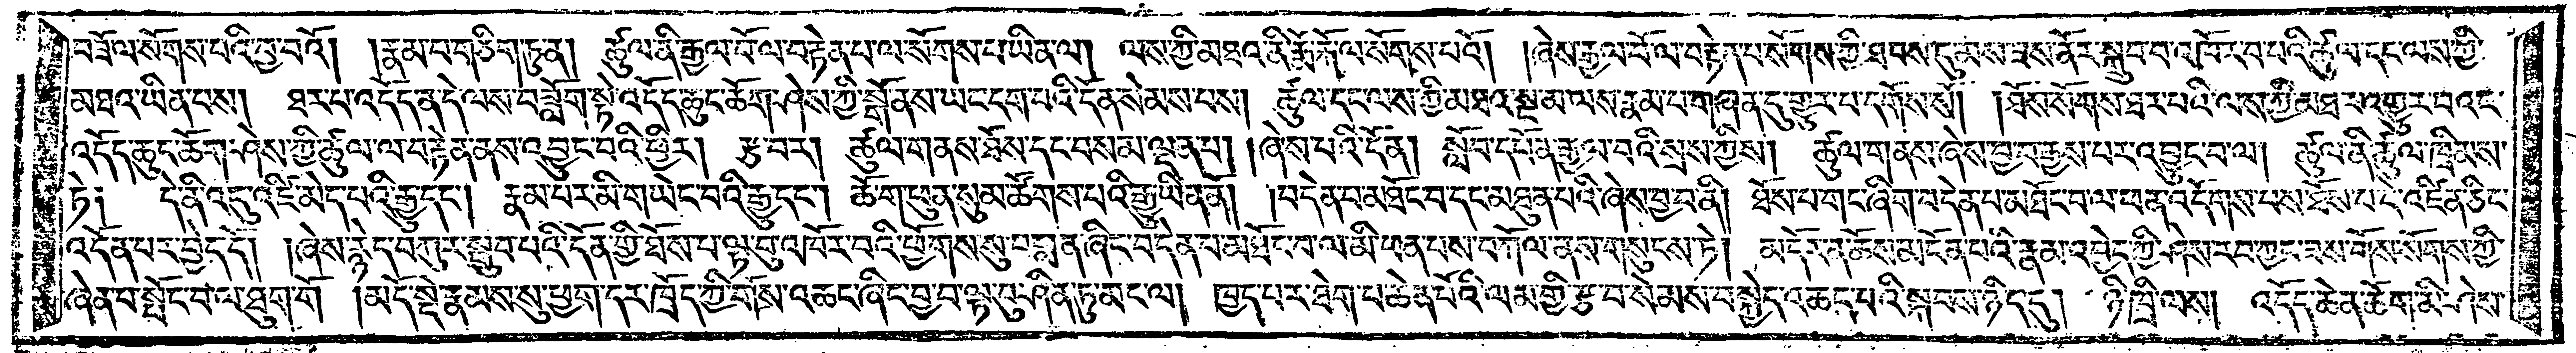བཟོལ་སོགས་པའི་བྱ་བའོ། །རྣམ་པ་གཅིག་ཏུ་ན། ཚུལ་ནི་རྒྱལ་བོ་ལ་བརྟེན་པ་ལ་སོགས་པ་ཡིན་ལ། ལས་ཀྱི་མཐའ་ནི་རྨོ་རྐོ་ལ་སོགས་པའོ། །ཞེས་རྒྱལ་བོ་ལ་བརྟེན་པ་སོགས་ཀྱི་ཐབས་དུ་མས་ཟས་ནོར་སྒྲུབ་བ་འཁོར་བ་པའི་ཚུལ་དང་ལས་ཀྱི་
མཐའ་ཡིན་བས། ཐར་པ་འདོད་ན་དེ་ལས་བཟློག་སྟེ་འདོད་ཆུང་ཆོག་ཤེས་ཀྱི་སྒོ་ནས་ཡང་དག་པའི་དོན་སེམས་པས། ཚུལ་དང་ལས་ཀྱི་མཐའ་སྔ་མ་ལས་རྣམ་པ་གཞན་དུ་གྱུར་པ་དགོས་སོ། །ཐོས་སོགས་ཐར་བའི་ལས་ཀྱི་མཐར་འགྱུར་བའང་
འདོད་ཆུང་ཆོག་ཤེས་ཀྱི་ཚུལ་ལ་བརྟེན་ནས་འབྱུང་བའི་ཕྱིར། རྩ་བར། ཚུལ་གནས་ཐོས་དང་བསམ་ལྡན་པ། །ཞེས་པའི་དོན། སློབ་དཔོན་རྒྱལ་བའི་སྲས་ཀྱིས། ཚུལ་གནས་ཞེས་བྱ་བ་རྒྱས་པར་འབྱུང་བ་ལ། ཚུལ་ནི་ཚུལ་ཁྲིམས་
ཏེ༑ དེ་ནི་འདུ་འཛི་མེད་བའི་རྒྱུ་དང་། རྣམ་བར་མི་གཡེང་བའི་རྒྱུ་དང་། ཆོ་ག་ཕུན་སུམ་ཚོགས་པའི་རྒྱུ་ཡིན་ནོ། །བདེན་བ་མཐོང་བ་དང་མཐུན་པའི་ཞེས་བྱ་བ་ནི། ཐོས་པ་གང་ཞིག་བདེན་པ་མཐོང་བ་ལ་ཕན་འདོགས་པས་ཐོས་པ་དེ་འཛིན་ཅིང་
འདོན་པར་བྱེད་དོ། །ཞེས་རྙེད་བཀུར་སྒྲུབ་པའི་དོན་གྱི་ཐོས་པ་ལྟ་བུ་འཁོར་བའི་ཕྱོགས་སུ་བསླན་ཞིང་བདེན་པ་མཐོང་བ་ལ་མི་ཕན་པས་བཀོལ་ནས་གསུངས་ཏེ། མདོར་ན་ཆོས་མངོན་པའི་རྣམ་འབྱེད་ཀྱི་ཤེས་རབ་ཀྱང་ཟས་གོས་སོགས་ཀྱི་
ཞེན་པ་སྤོང་བ་ལ་ཐུག་གོ །མདོ་སྡེ་རྣམས་སུ་ཕྱག་དར་ཁྲོད་ཀྱི་གོས་འཆང་ཞིང་བྱ་བ་ལྟ་བུ་ཤིན་ཏུ་མང་ལ། ཁྱད་པར་ཐེག་པ་ཆེན་པོའི་ལམ་གྱི་རྩ་བ་སེམས་བསྐྱེད་འཆད་བའི་སྐབས་ཉིད་དུ། ཉི་ཁྲི་ལས། འདོད་ཆེན་ཆོག་མི་ཤེས་